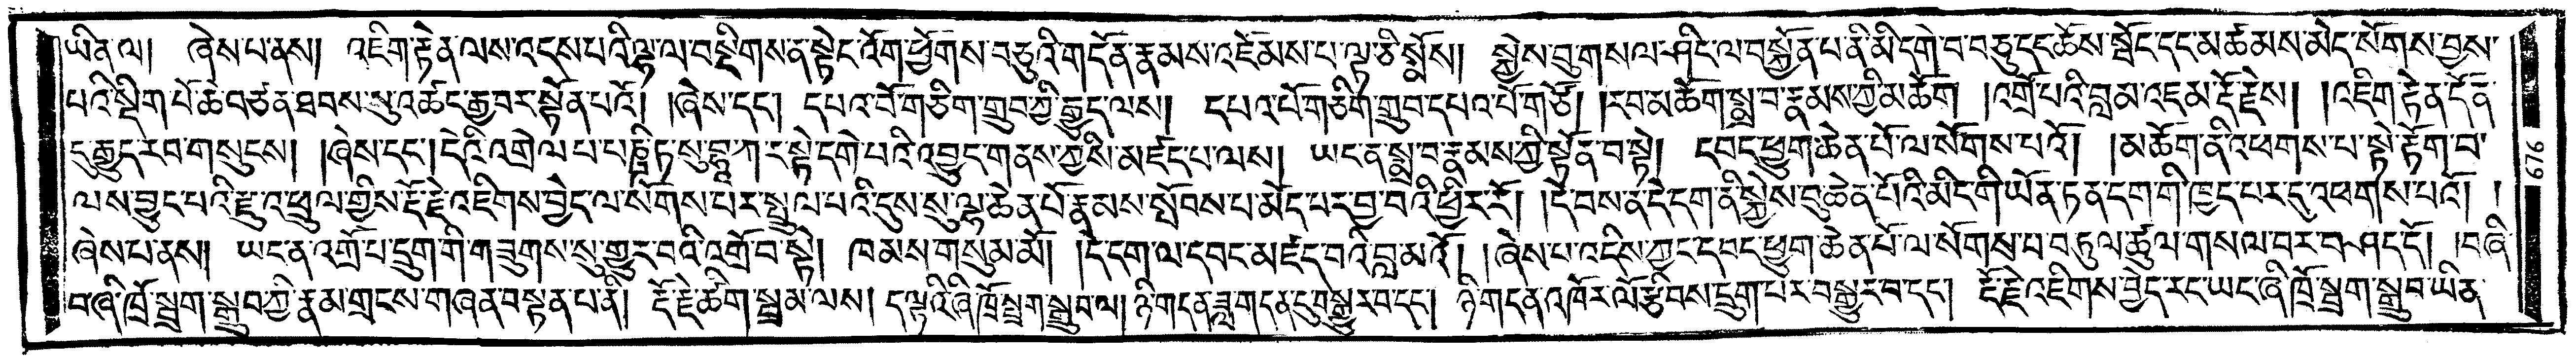ཡིན་ལ། ཞེས་པ་ནས། འཇིག་རྟེན་ལས་འདས་པའི་ལྷ་ལ་བསྡིགས་ན་སྟེང་འོག་ཕྱོགས་བཅུའི་གདོན་རྣམས་འཇོམས་པ་ལྟ་ཅི་སྨོས། སྐྱེས་བུ་གསལ་ཤིང་ལ་བསྐྱོན་པ་ནི་མི་དགེ་བ་བཅུ་དང་ཆོས་སྤོང་དང་མཚམས་མེད་སོགས་བྱས་
པའི་སྡིག་པོ་ཆེ་བཙན་ཐབས་སུ་འཚང་རྒྱ་བར་སྟོན་པའོ། །ཞེས་དང་། དཔའ་བོ་གཅིག་གྲུབ་ཀྱི་རྒྱུད་ལས། དཔའ་བོ་གཅིག་གྲུབ་དཔའ་བོ་གཙོ། །རབ་མཆོག་སྨྲ་བ་རྣམས་ཀྱི་མཆོག །འགྲོ་པའི་བླ་མ་འཇམ་རྡོ་རྗེས། །འཇིག་རྟེན་དོན་
དུ་རྒྱུད་རབ་གསུངས། །ཞེས་དང་། དེའི་འགྲེལ་པ་པཎྜི་ཏ་སུ་བྷཱ་ཀ་ར་སྟེ་དགེ་བའི་འབྱུང་གནས་ཀྱིས་མཛད་པ་ལས། ཡང་ན་སྨྲ་བ་རྣམས་ཀྱི་སྟོན་བ་སྟེ། དབང་ཕྱུག་ཆེན་པོ་ལ་སོགས་པའོ། །མཆོག་ནི་འཕགས་པ་སྟེ་རྟོག་བ་
ལས་བྱུང་པའི་རྫུ་འཕྲུལ་གྱིས་རྡོ་རྗེ་འཇིགས་བྱེད་ལ་སོགས་པར་སྤྲུལ་པའི་དུས་སུ་ལྷ་ཆེན་པོ་རྣམས་སྤོབས་པ་མེད་པར་བྱ་བའི་ཕྱིར་རོ། །དེ་བས་ན་དེ་དག་ནི་སྐྱེས་བུ་ཆེན་པོའི་མིང་གི་ཡོན་ཏན་དག་གི་ཁྱད་པར་དུ་འཕགས་པའོ། །
ཞེས་པ་ནས། ཡང་ན་འགྲོ་པ་དྲུག་གི་གཟུགས་སུ་གྱུར་བའི་འགྲོ་བ་སྟེ། ཁམས་གསུམ་མོ། །དེ་དག་ལ་དབང་མཛད་བའི་བླ་མའོ། །ཞེས་པ་འདིས་ཀྱང་དབང་ཕྱུག་ཆེན་པོ་ལ་སོགས་པ་བཏུལ་ཚུལ་གསལ་བར་བཤད་དོ། །བཞི་
བ་ཞི་ཁྲོ་སྦྲག་སྒྲུབ་ཀྱི་རྣམ་གྲངས་གཞན་བསྟན་པ་ནི། རྡོ་རྗེ་ཚིག་སྦྲམ་ལས། ད་ལྟའི་ཞི་ཁྲོ་སྦྲག་སྒྲུབ་ལ། ཉི་གདན་ཟླ་གདན་དུ་བསྒྱུར་བ་དང་། ཉི་གདན་འཁོར་ལོ་རྩིབས་དྲུག་པར་བསྒྱུར་བ་དང་། རྡོ་རྗེ་འཇིགས་བྱེད་རང་ཡང་ཞི་ཁྲོ་སྦྲག་སྒྲུབ་ཡིན་